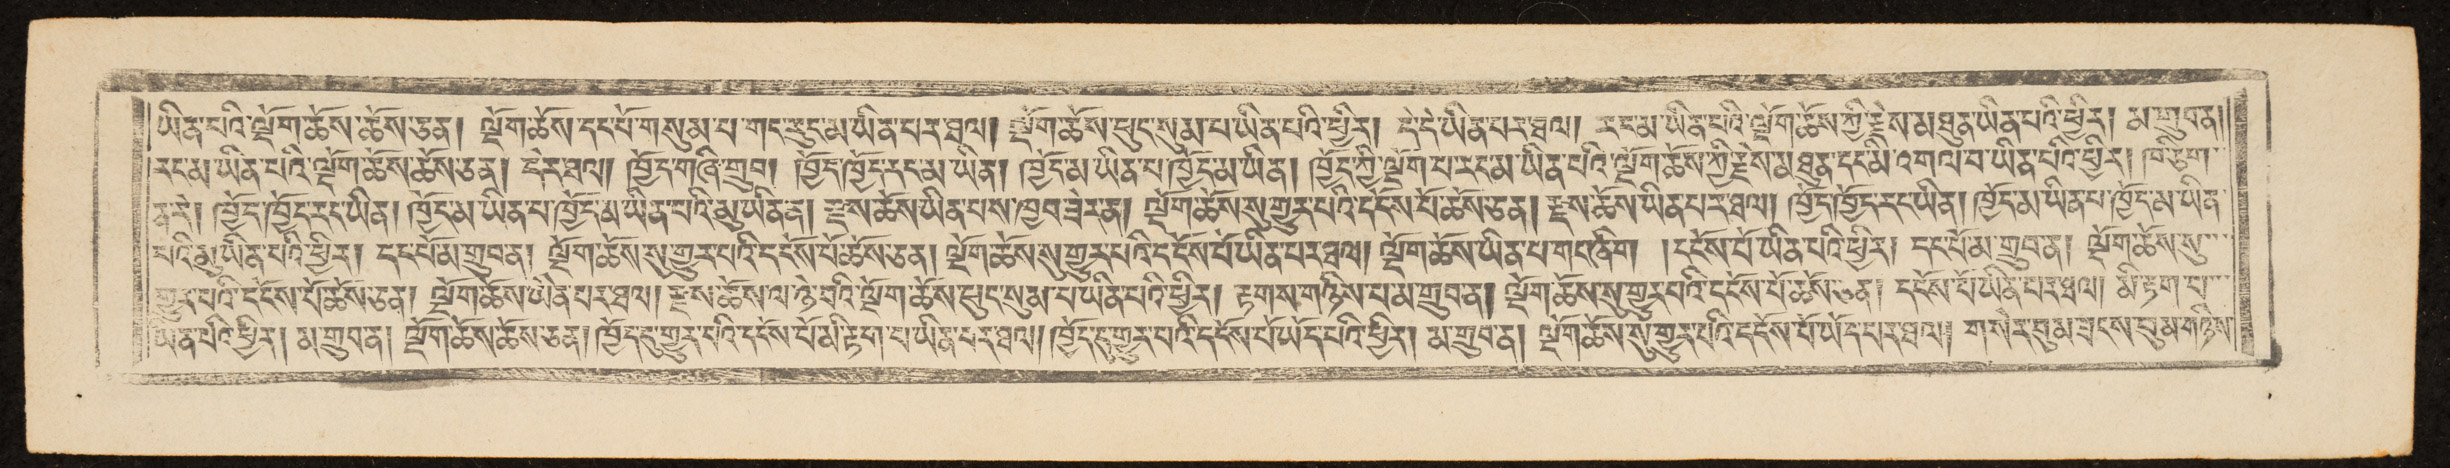ཡིན་པའི་ལྡོག་ཆོས་ཆོས་ཅན། ལྡོག་ཆོས་དང་པོ་གསུམ་པོ་གང་རུང་མ་ཡིན་པར་ཐལ། ལྡོག་ཆོས་ཕུང་སུམ་པ་ཡིན་པའི་ཕྱིར། དེ་དེ་ཡིན་པར་ཐལ། རང་མ་ཡིན་པའི་ལྡོག་ཆོས་ཀྱི་རྗེས་མཐུན་ཡིན་པའི་ཕྱིར། མ་གྲུབ་ན།
རང་མ་ཡིན་པའི་ལྡོག་ཆོས་ཆོས་ཅན། དེར་ཐལ། ཁྱོད་གཞི་གྲུབ། ཁྱོད་ཁྱོད་རང་མ་ཡིན། ཁྱོད་མ་ཡིན་པ་ཁྱོད་མ་ཡིན། ཁྱོད་ཀྱི་ལྡོག་པ་རང་མ་ཡིན་པའི་ལྡོག་ཆོས་ཀྱི་རྗེས་མཐུན་དང་མི་འགལ་བ་ཡིན་པའི་ཕྱིར། ཁ་ཅིག་
ན་རེ། ཁྱོད་ཁྱོད་རང་ཡིན། ཁྱོད་མ་ཡིན་པ་ཁྱོད་མ་ཡིན་པའི་མུ་ཡིན་ན། རྫས་ཆོས་ཡིན་པས་ཁྱབ་ཟེར་ན། ལྡོག་ཆོས་སུ་གྱུར་བའི་དངོས་པོ་ཆོས་ཅན། རྫས་ཆོས་ཡིན་པར་ཐལ། ཁྱོད་ཁྱོད་རང་ཡིན། ཁྱོད་མ་ཡིན་པ་ཁྱོད་མ་ཡིན་
པའི་མུ་ཡིན་པའི་ཕྱིར། དང་པོ་མ་གྲུབ་ན། ལྡོག་ཆོས་སུ་གྱུར་བའི་དངོས་པོ་ཆོས་ཅན། ལྡོག་ཆོས་སུ་གྱུར་བའི་དངོས་པོ་ཡིན་པར་ཐལ། ལྡོག་ཆོས་ཡིན་པ་གང་ཞིག །དངོས་པོ་ཡིན་པའི་ཕྱིར། དང་པོ་མ་གྲུབ་ན། ལྡོག་ཆོས་སུ་
གྱུར་པའི་དངོས་པོ་ཆོས་ཅན། ལྡོག་ཆོས་ཡིན་པར་ཐལ། རྫས་ཆོས་ལ་ཉེ་བའི་ལྡོག་ཆོས་ཕུང་སུམ་པ་ཡིན་པའི་ཕྱིར། རྟགས་གཉིས་པ་མ་གྲུབ་ན། ལྡོག་ཆོས་སུ་གྱུར་བའི་དངོས་པོ་ཆོས་ཅན། དངོས་པོ་ཡིན་པར་ཐལ། མི་རྟག་པ་
ཡིན་པའི་ཕྱིར། མ་གྲུབ་ན། ལྡོག་ཆོས་ཆོས་ཅན། ཁྱོད་དུ་གྱུར་བའི་དངོས་པོ་མི་རྟག་པ་ཡིན་པར་ཐལ། ཁྱོད་དུ་གྱུར་བའི་དངོས་པོ་ཡོད་པའི་ཕྱིར། མ་གྲུབ་ན། ལྡོག་ཆོས་སུ་གྱུར་བའི་དངོས་པོ་ཡོད་པར་ཐལ། གསེར་བུམ་ཟངས་བུམ་གཉིས་